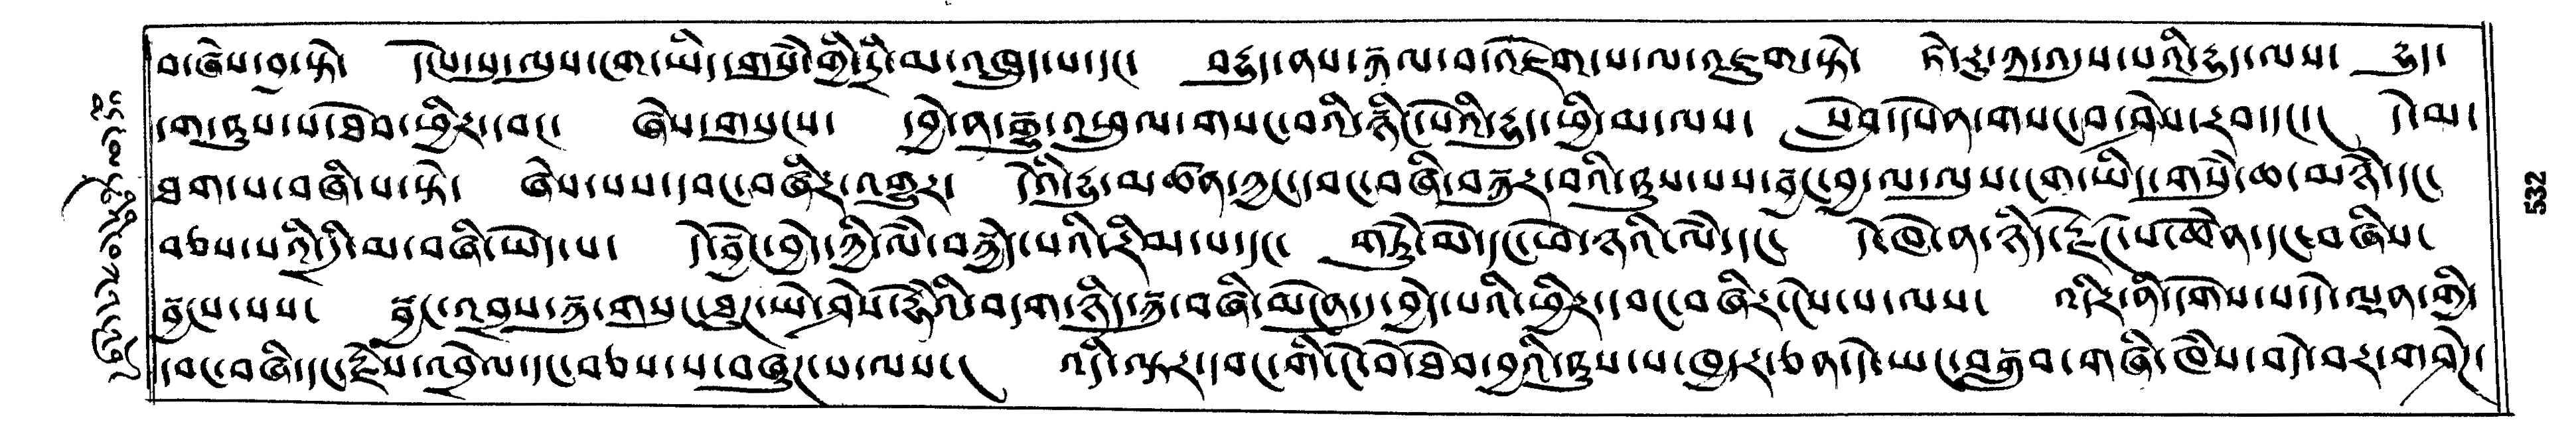བ་ཞེས་བྱ་སྟེ། དངོས་སུ་ལུས་ངག་ཡིད་གསུམ་གྱི་དྲི་མ་འཁྲུད་པ་དང་། བརྒྱུད་ནས་སྐལ་བ་འཇོག་པ་ལ་འཇུག་སྟེ། ཧེ་རུ་ཀ་འདུས་པའི་རྒྱུད་ལས། རྒྱུད་
དག་ནུས་པ་ཐོབ་ཕྱིར་དབང་། ཞེས་གསུངས། དབྱེ་ན་སྒྱུ་འཕྲུལ་གསང་བ་སྙིང་པོའི་རྒྱུད་ཕྱི་མ་ལས། སློབ་དཔོན་གསང་བ་ཤེས་རབ་དང་། །དེ་མ་
ཐག་པ་བཞི་པ་སྟེ། །ཞེས་པས་དབང་བཞིར་འགྱུར། དེའི་རྒྱུ་མཚན་ཀྱང་དབང་བཞི་བསྐུར་བའི་ནུས་པས་སྦྱང་བྱ་ལ་ལུས་ངག་ཡིད་གསུམ་ཆ་མཉམ་དང་
བཅས་པའི་དྲི་མ་བཞི་ཡོད་པ། དེ་སྦྱོང་བྱེད་ཀྱི་ལམ་བསྐྱེད་པའི་རིམ་པ་དང་། གཏུམ་མོ་དང་ཕོ་ཉའི་ལམ་དང། དེ་ཁོ་ན་ཉིད་རྫོགས་པ་ཆེན་པོ་དང་བཞིས་
སྦྱངས་པས། སྦྱང་འབྲས་སྐུ་གསུང་ཐུགས་ཡེ་ཤེས་རྡོ་རྗེའི་བདག་ཉིད་སྐུ་བཞི་མངོན་དུ་བྱེད་པའི་ཕྱིར་དབང་བཞིར་ངེས་པ་ལས། འདིར་ནི་དགོས་པ་དེ་ལྡན་གྱི་
དབང་བཞི་རྗེས་འབྲེལ་དང་བཅས་པ་བཞུགས་པ་ལས། འདི་ལྟར་དབང་གི་ངོ་བོ་ཐོབ་བྱའི་ནུས་པ་ཁྱད་པར་ཅན་དེ་ཡང་སྒྲུབ་གཞི་ཁམས་བདེ་བར་གཤེགས་